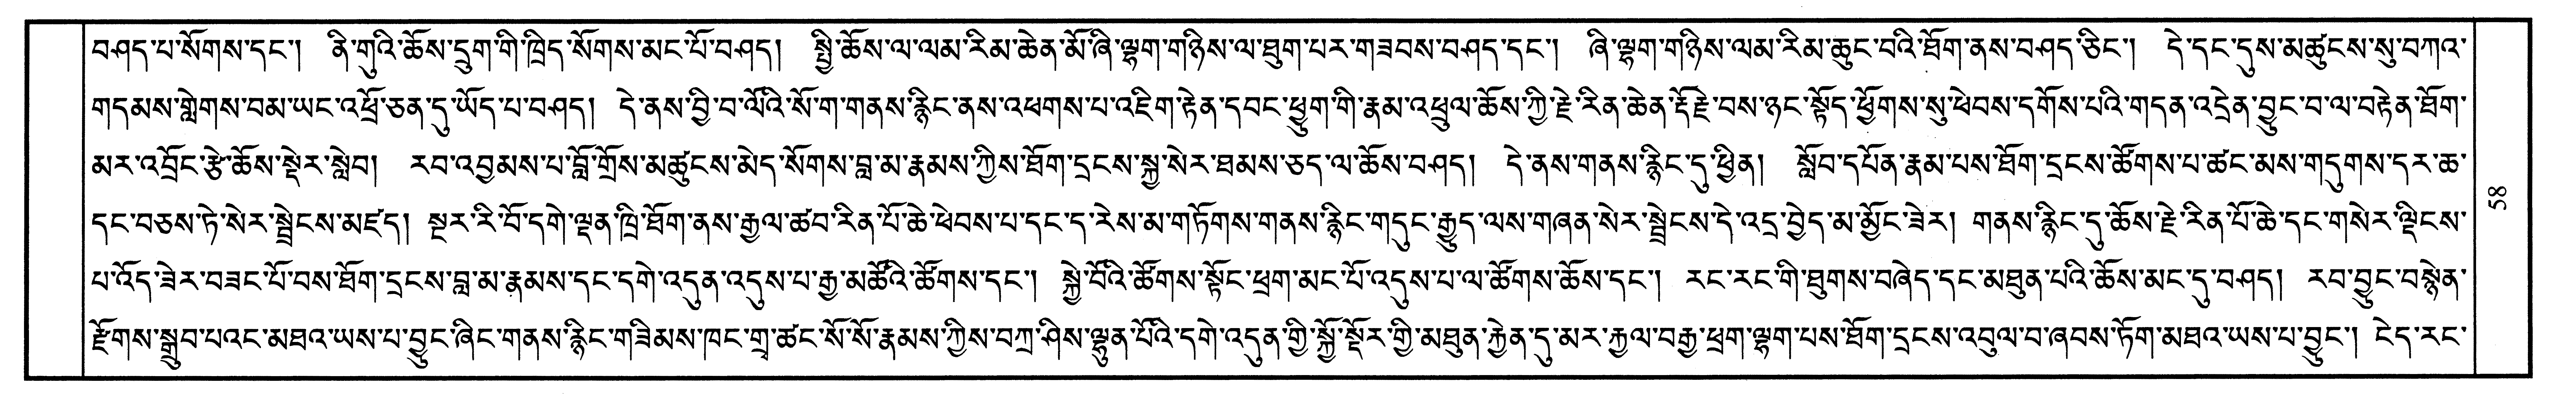བཤད་པ་སོགས་དང་། ནི་གུའི་ཆོས་དྲུག་གི་ཁྲིད་སོགས་མང་པོ་བཤད། སྤྱི་ཆོས་ལ་ལམ་རིམ་ཆེན་མོ་ཞི་ལྷག་གཉིས་ལ་ཐུག་པར་གཟབས་བཤད་དང་། ཞི་ལྷག་གཉིས་ལམ་རིམ་ཆུང་བའི་ཐོག་ནས་བཤད་ཅིང་། དེ་དང་དུས་མཚུངས་སུ་བཀའ་
གདམས་གླེགས་བམ་ཡང་འཕྲོ་ཅན་དུ་ཡོད་པ་བཤད། དེ་ནས་བྱི་བ་ལོའི་སོ་ག་གནས་རྙིང་ནས་འཕགས་པ་འཇིག་རྟེན་དབང་ཕྱུག་གི་རྣམ་འཕྲུལ་ཆོས་ཀྱི་རྗེ་རིན་ཆེན་རྡོ་རྗེ་བས་ཉང་སྟོད་ཕྱོགས་སུ་ཕེབས་དགོས་པའི་གདན་འདྲེན་བྱུང་བ་ལ་བརྟེན་ཐོག་
མར་འབྲོང་རྩེ་ཆོས་སྡེར་སླེབ། རབ་འབྱམས་པ་བློ་གྲོས་མཚུངས་མེད་སོགས་བླ་མ་རྣམས་ཀྱིས་ཐོག་དྲངས་སྐྱ་སེར་ཐམས་ཅད་ལ་ཆོས་བཤད། དེ་ནས་གནས་རྙིང་དུ་ཕྱིན། སློབ་དཔོན་རྣམ་པས་ཐོག་དྲངས་ཚོགས་པ་ཚང་མས་གདུགས་དར་ཆ་
དང་བཅས་ཏེ་སེར་སྦྲེངས་མཛད། སྔར་རི་བོ་དགེ་ལྡན་ཁྲི་ཐོག་ནས་རྒྱལ་ཚབ་རིན་པོ་ཆེ་ཕེབས་པ་དང་ད་རེས་མ་གཏོགས་གནས་རྙིང་གདུང་རྒྱུད་ལས་གཞན་སེར་སྦྲེངས་དེ་འདྲ་བྱེད་མ་མྱོང་ཟེར། གནས་རྙིང་དུ་ཆོས་རྗེ་རིན་པོ་ཆེ་དང་གསེར་ལྡིངས་
པ་འོད་ཟེར་བཟང་པོ་བས་ཐོག་དྲངས་བླ་མ་རྣམས་དང་དགེ་འདུན་འདུས་པ་རྒྱ་མཚོའི་ཚོགས་དང་། སྐྱེ་བོའི་ཚོགས་སྟོང་ཕྲག་མང་པོ་འདུས་པ་ལ་ཚོགས་ཆོས་དང་། རང་རང་གི་ཐུགས་བཞེད་དང་མཐུན་པའི་ཆོས་མང་དུ་བཤད། རབ་བྱུང་བསྙེན་
རྫོགས་སྒྲུབ་པའང་མཐའ་ཡས་པ་བྱུང་ཞིང་གནས་རྙིང་གཟིམས་ཁང་གྲྭ་ཚང་སོ་སོ་རྣམས་ཀྱིས་བཀྲ་ཤིས་ལྷུན་པོའི་དགེ་འདུན་གྱི་སྐྱོ་སྡོར་གྱི་མཐུན་རྐྱེན་དུ་མར་རྐྱལ་བརྒྱ་ཕྲག་ལྷག་པས་ཐོག་དྲངས་འབུལ་བ་ཞབས་ཏོག་མཐའ་ཡས་པ་བྱུང་། ངེད་རང་